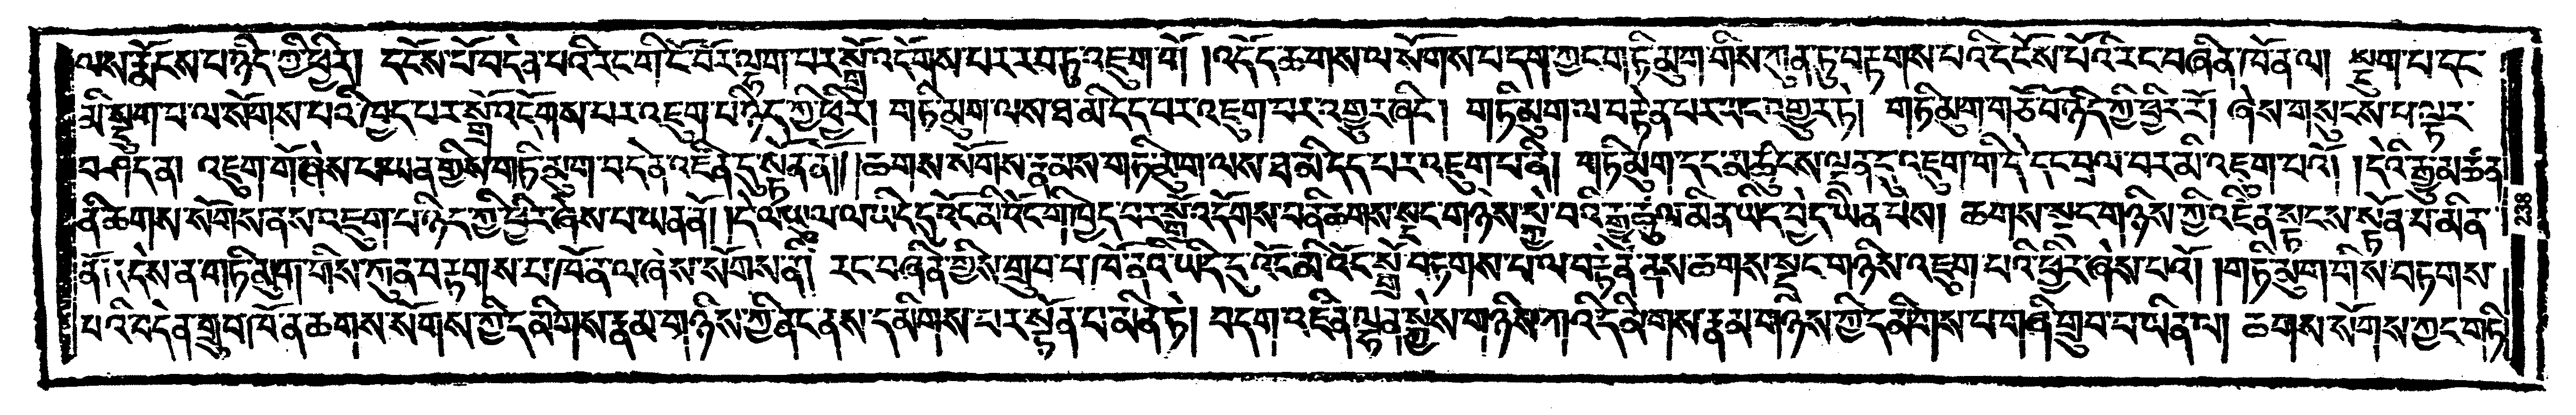ལས་རྨོངས་པ་ཉིད་ཀྱི་ཕྱིར། དངོས་པོ་བདེན་པའི་རང་གི་ངོ་བོར་ལྷག་པར་སྒྲོ་འདོགས་པར་རབ་ཏུ་འཇུག་གོ །འདོད་ཆགས་ལ་སོགས་པ་དག་ཀྱང་གཏི་མུག་གིས་ཀུན་ཏུ་བརྟགས་པའི་དངོས་པོའི་རང་བཞིན་ཁོ་ན་ལ། སྡུག་པ་དང་
མི་སྡུག་པ་ལ་སོགས་པའི་ཁྱད་པར་སྒྲོ་འདོགས་པར་འཇུག་པ་ཉིད་ཀྱི་ཕྱིར། གཏི་མུག་ལས་ཐ་མི་དད་པར་འཇུག་པར་འགྱུར་ཞིང་། གཏི་མུག་ལ་བརྟེན་པར་ཡང་འགྱུར་ཏེ། གཏི་མུག་གཙོ་བོ་ཉིད་ཀྱི་ཕྱིར་རོ། ཞེས་གསུངས་པ་ལྟར་
བཤད་ན། འཇུག་གོ་ཞེས་པ་ཡན་གྱིས་གཏི་མུག་བདེན་འཛིན་དུ་སྟོན་ནོ། །ཆགས་སོགས་རྣམས་གཏི་མུག་ལས་ཐ་མི་དད་པར་འཇུག་པ་ནི། གཏི་མུག་དང་མཚུངས་ལྡན་དུ་འཇུག་གི་དེ་དང་བྲལ་བར་མི་འཇུག་པའོ། །དེའི་རྒྱུ་མཚན་
ནི་ཆགས་སོགས་ནས་འཇུག་པ་ཉིད་ཀྱི་ཕྱིར་ཞེས་པ་ཡིན་ནོ། །དེ་ལ་ཡུལ་ལ་ཡིད་དུ་འོང་མི་འོང་གི་ཁྱད་པར་སྒྲོ་འདོགས་པ་ནི་ཆགས་སྡང་གཉིས་སྐྱེ་བའི་རྒྱུ་ཚུལ་མིན་ཡིད་བྱེད་ཡིན་པས། ཆགས་སྡང་གཉིས་ཀྱི་འཛིན་སྟངས་སྟོན་པ་མིན་
ནོ༑ ༑དེས་ན་གཏི་མུག་གིས་ཀུན་བརྟགས་པ་ཁོ་ན་ལ་ཞེས་སོགས་ནི། རང་བཞིན་གྱིས་གྲུབ་པ་ཁོ་ནའི་ཡིད་དུ་འོང་མི་འོང་སྒྲོ་བཏགས་པ་ལ་བརྟེན་ནས་ཆགས་སྡང་གཉིས་འཇུག་པའི་ཕྱིར་ཞེས་པའོ། །གཏི་མུག་གིས་བཏགས་
པའི་བདེན་གྲུབ་ཁོ་ན་ཆགས་སོགས་ཀྱི་དམིགས་རྣམ་གཉིས་ཀྱི་ནང་ནས་དམིགས་པར་སྟོན་པ་མིན་ཏེ། བདག་འཛིན་ལྷན་སྐྱེས་གཉིས་ཀའི་དམིགས་རྣམ་གཉིས་ཀྱི་དམིགས་པ་གཞི་གྲུབ་པ་ཡིན་ལ། ཆགས་སོགས་གྱང་གཏི་